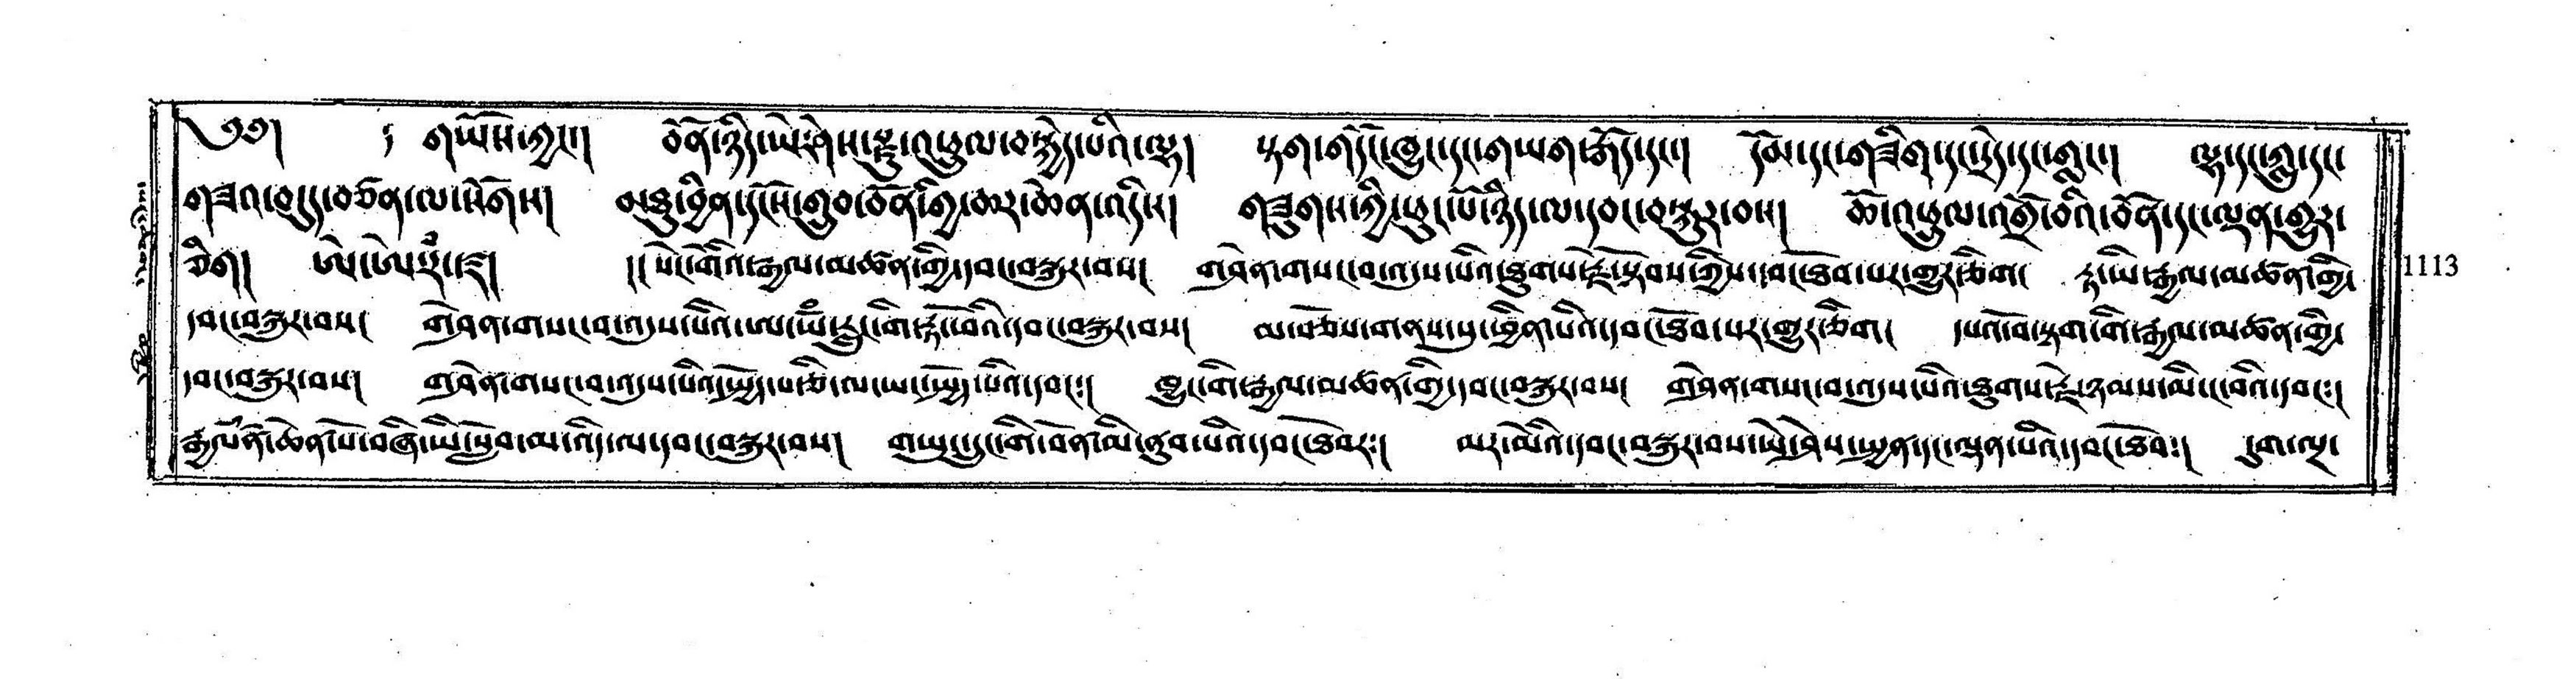གཡོས་ཀྱང་། བོན་ཉིད་ཡེ་ཤེས་རྫུ་འཕྲུལ་བསྐྱེད་པའི་ལྷ། སྟག་གདོང་ཁྱུང་དང་གཡག་རྒོད་དང་། དོམ་དང་གཟིག་དང་དྲེད་དང་གླང་། ལྷ་དང་ཀླུ་དང་
གཟའ་བདུད་བཙན་ལ་སོགས། {1133}མཐུ་བྱིན་དངོས་གྲུབ་བོན་གྱི་ཆར་ཆེན་འདིས། གཟུགས་ཀྱི་ཕུང་པོ་ཉིད་ལ་དབང་བསྐུར་བས། ཆོ་འཕྲུལ་འགྲོ་བའི་བོན་དང་ལྡན་གྱུར་
ཅིག ཨེ་ཨེ་རཾ་ཛ། །།སེང་གེའི་རྒྱལ་མཚན་གྱི་དབང་བསྐུར་བས།། གཤེན་གསང་བ་འདུས་པའི་ཐུགས་རྗེ་སྟོབས་ཀྱིས་དབང་ཐོབ་པར་གྱུར་ཅིག རྟ་ཡི་རྒྱལ་མཚན་གྱི་
དབང་བསྐུར་བས། གཤེན་གསང་བ་འདུས་པའི་ཨ་ཡྃ་རླུང་གི་རྟ་ཕོའི་དབང་བསྐུར་བས། མ་བཅོས་གནས་སུ་ཕྱིན་པའི་དབང་ཐོབ་པར་གྱུར་ཅིག དཔའ་བོ་སྟག་གི་རྒྱལ་མཚན་གྱི་
དབང་བསྐུར་བས། གཤེན་གསང་བ་འདུས་པའི་སྤྱོད་པ་ཅི་ལ་ཡང་སྤྱོད་པའི་དབང་༴། ཁྱུང་གི་རྒྱལ་མཚན་གྱི་དབང་བསྐུར་བས། གཤེན་གསང་བ་འདུས་པའི་ཐུགས་རྗེ་ཉམས་མི་ང་བའི་དབང་༴། 
རྒྱལ་མཚན་ཆེན་པོ་བཞི་ཡི་སློབ་མ་འདི་ལ་དབང་བསྐུར་བས། གཡུང་དྲུང་གི་བོན་མི་ནུབ་པའི་དབང་ཐོབ་པར༴། མར་མེའི་དབང་བསྐུར་བས་ཡེ་ཤེས་སྤྱན་དང་ལྡན་པའི་དབང་ཐོབ༴། དུག་ལྔ་